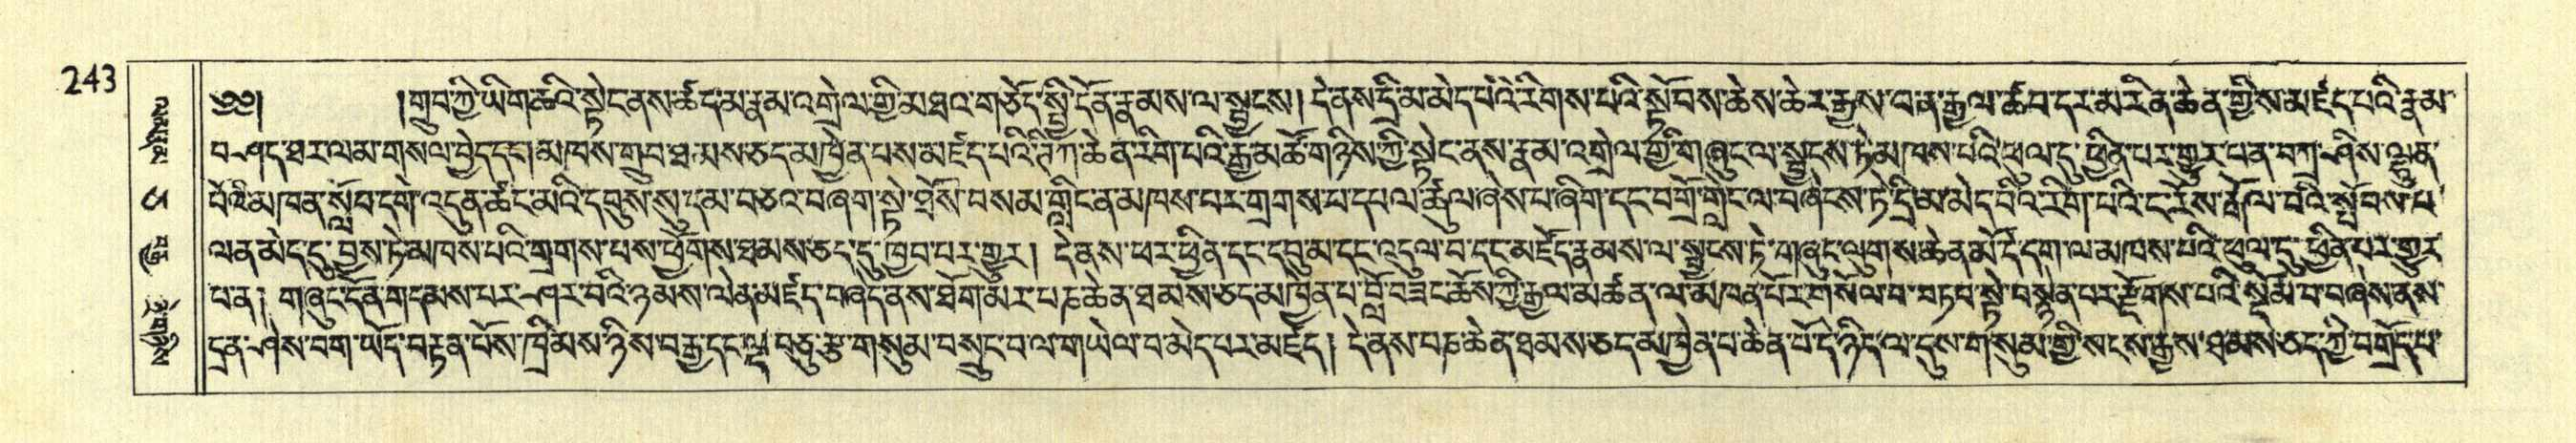༄༅། །གྲུབ་ཀྱི་ཡིག་ཆའི་སྟེང་ནས་ཚད་མ་རྣམ་འགྲེལ་གྱི་མཐའ་གཅོད་སྤྱི་དོན་རྣམས་ལ་སྦྱངས། དེ་ནས་དྲི་མ་མེད་པའི་རིགས་པའི་སྟོབས་ཆེས་ཆེར་རྒྱས་བ་ན་རྒྱལ་ཚབ་དར་མ་རིན་ཆེན་གྱིས་མཛད་པའི་རྣམ་
བཤད་ཐར་ལམ་གསལ་བྱེད་དང་། མཁས་གྲུབ་ཐམས་ཅད་མཁྱེན་པས་མཛད་པའི་ཊིཀ་ཆེན་རིག་པའི་རྒྱ་མཚོ་གཉིས་ཀྱི་སྟེང་ནས་རྣམ་འགྲེལ་གྱི་གཞུང་ལ་སྦྱངས་ཏེ་མཁས་པའི་ཕུལ་དུ་ཕྱིན་པར་གྱུར་པ་ན་བཀྲ་ཤིས་ལྷུན་
པོའི་མཁན་སློབ་དགེ་འདུན་ཚང་མའི་དབུས་སུ་དམ་བཅའ་བཞག་སྟེ་ཐོས་བསམ་གླིང་ན་མཁས་པར་གྲགས་པ་དཔལ་ཚུལ་ཞེས་པ་ཞིག་དང་བགྲོ་གླེང་ལ་བཞེངས་ཏེ་དྲི་མ་མེད་པའི་རིག་པའི་ང་རོས་རྒོལ་བའི་སྤོབས་པ་
ལན་མེད་དུ་བྱས་ཏེ་མཁས་པའི་གྲགས་པས་ཕྱོགས་ཐམས་ཅད་དུ་ཁྱབ་པར་གྱུར། དེ་ནས་ཕར་ཕྱིན་དང་དབུ་མ་དང་འདུལ་བ་དང་མཛོད་རྣམས་ལ་སྦྱངས་ཏེ་གཞུང་ལུགས་ཆེན་མོ་དེ་དག་ལ་མཁས་པའི་ཕུལ་དུ་ཕྱིན་པར་གྱུར་
པ་ན༑ གཞུང་དོན་གདམས་པར་ཤར་བའི་ཉམས་ལེན་མཛད་བཞེད་ནས་ཐོག་མར་པཎ་ཆེན་ཐམས་ཅད་མཁྱེན་པ་བློ་བཟང་ཆོས་ཀྱི་རྒྱལ་མཚན་ལ་མཁན་པོར་གསོལ་བ་བཏབ་སྟེ་བསྙེན་པར་རྫོགས་པའི་སྡོམ་པ་བཞེས་ནས་
དྲན་ཤེས་བག་ཡོད་བརྟན་པོས་ཁྲིམས་ཉིས་བརྒྱ་དང་ལྔ་བཅུ་རྩ་གསུམ་བསྲུང་བ་ལ་གཡེལ་བ་མེད་པར་མཛད། དེ་ནས་པཎ་ཆེན་ཐམས་ཅད་མཁྱེན་པ་ཆེན་པོ་དེ་ཉིད་ལ་དུས་གསུམ་གྱི་སངས་རྒྱས་ཐམས་ཅད་ཀྱི་བགྲོད་པ་